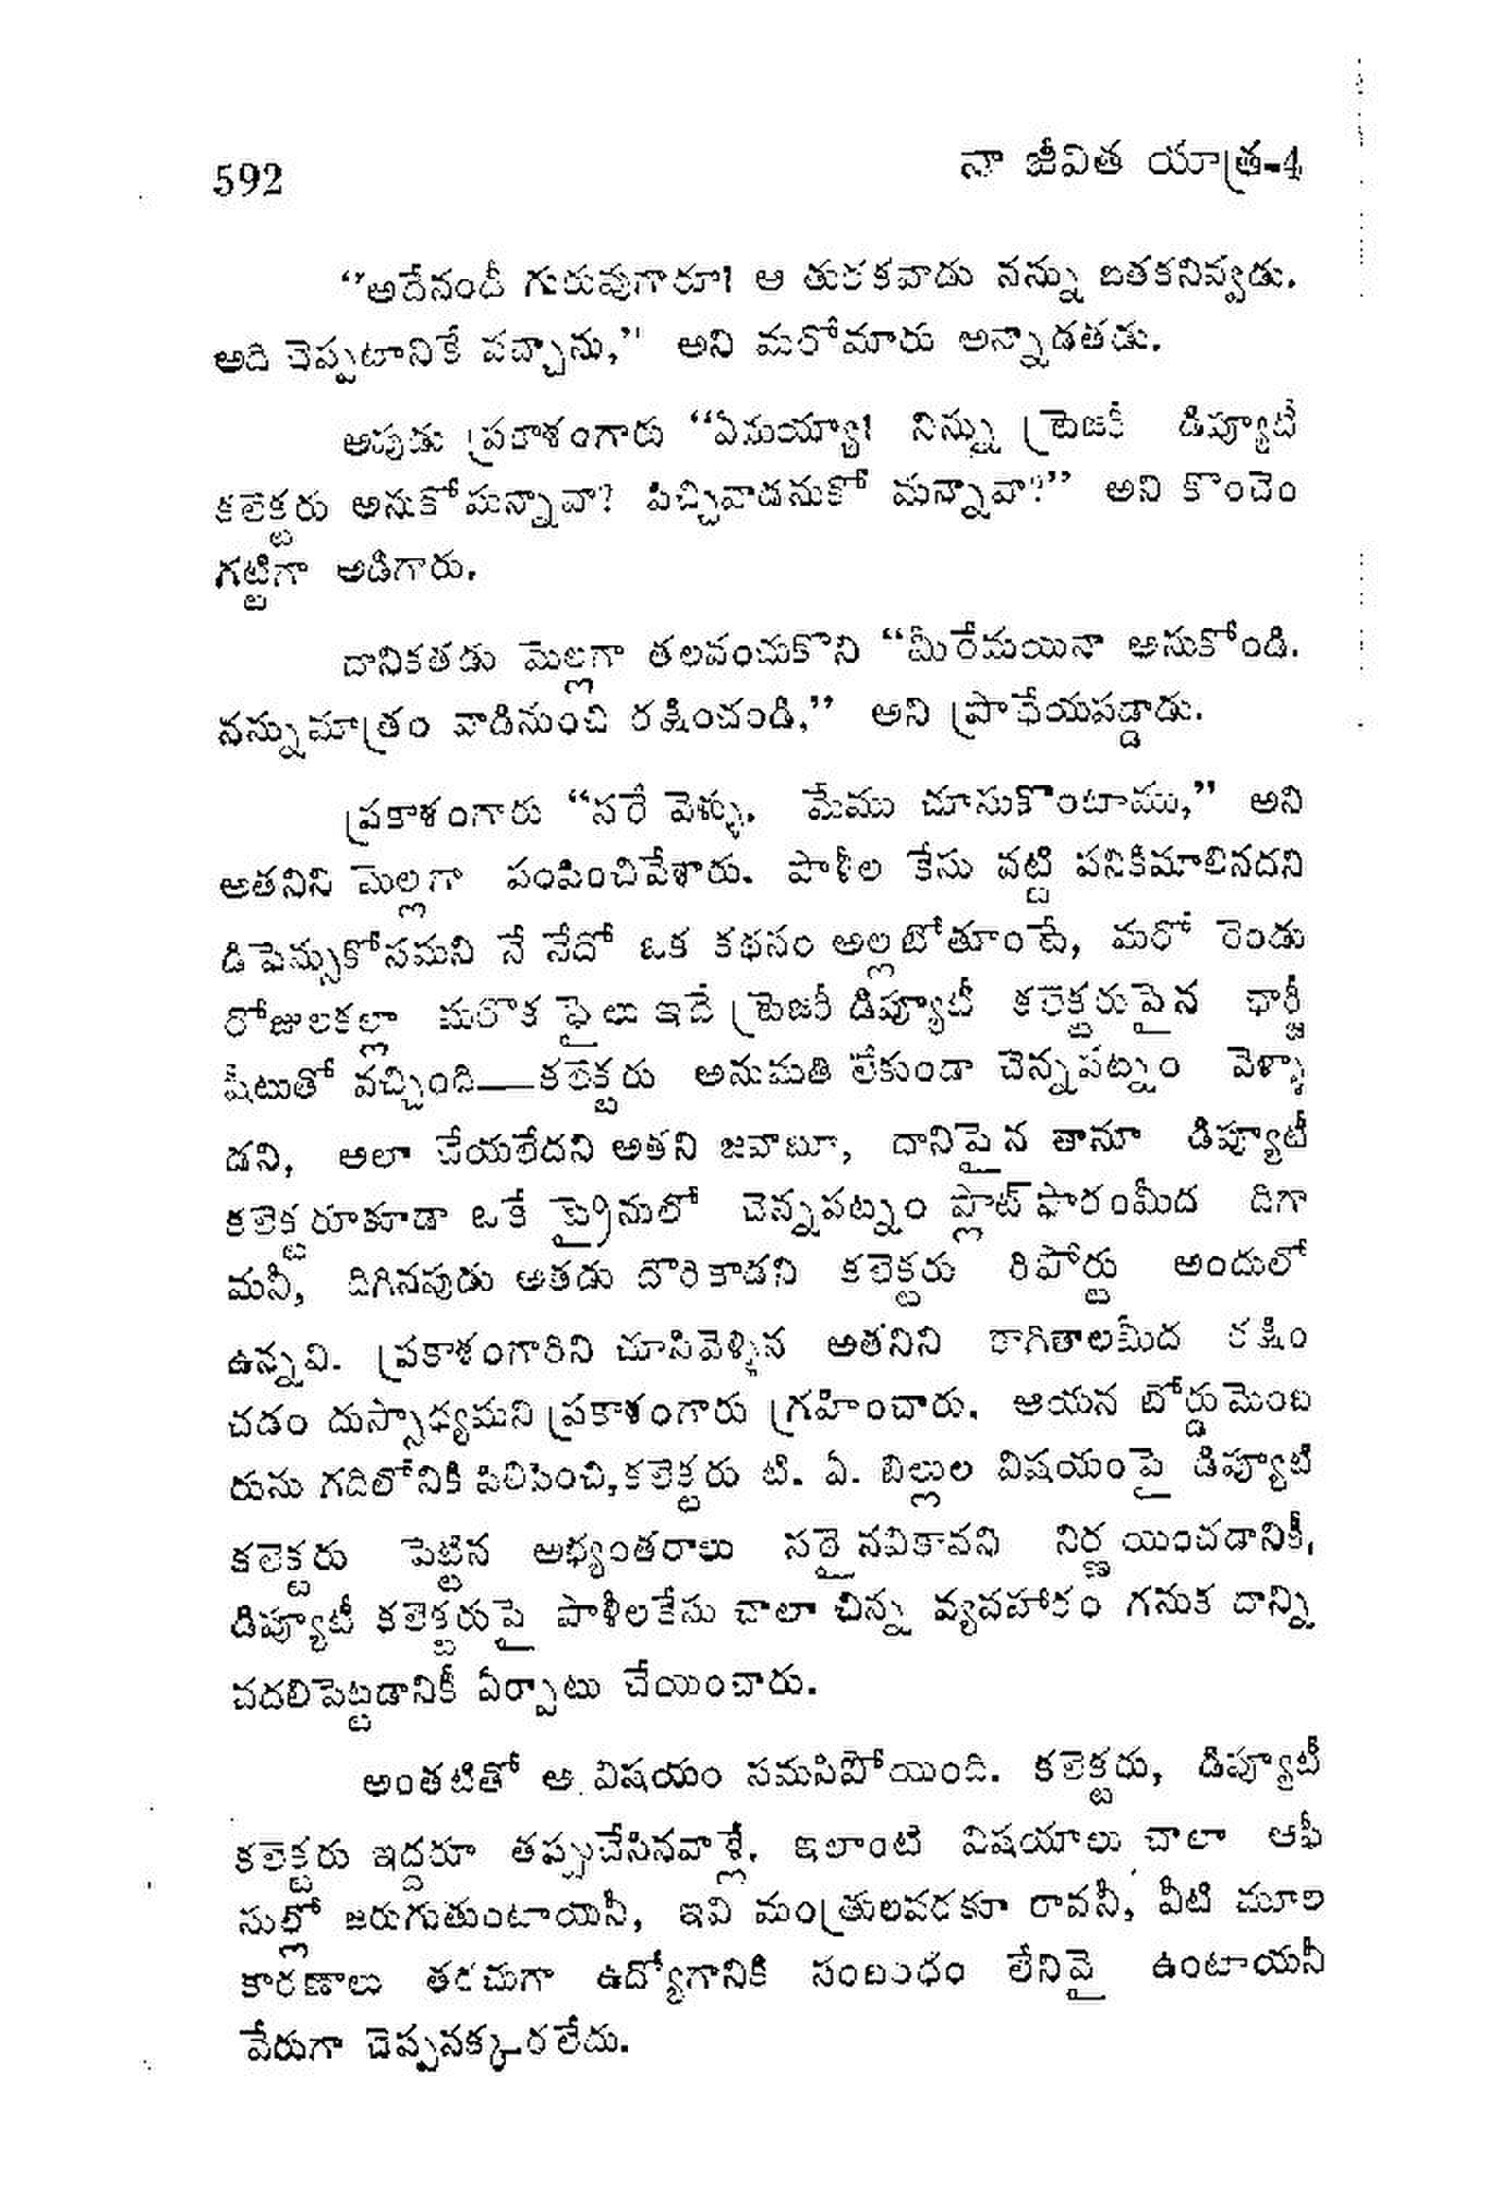"అదేనండీ గురువుగారూ! ఆ తురకవాడు నన్ను బతకనివ్వడు. అది చెప్పటానికే వచ్చాను," అని మరోమారు అన్నాడతడు.

అపుడు ప్రకాశంగారు "ఏమయ్యా! నిన్ను ట్రెజరీ డిప్యూటీ కలెక్టరు అనుకోమన్నావా? పిచ్చివాడనుకో మన్నావా?" అని కొంచెం గట్టిగా అడిగారు.

దానికతడు మెల్లగా తలవంచుకొని "మీరేమయినా అనుకోండి. నన్ను మాత్రం వాడినుంచి రక్షించండి," అని ప్రాధేయపడ్డాడు.

ప్రకాశంగారు "సరే వెళ్ళు. మేము చూసు కొంటాము," అని అతనిని మెల్లగా పంపించివేశారు. పాళీల కేసు వట్టి పనికిమాలినదని డిపెన్సుకోసమని నే నేదో ఒక కథనం అల్లబోతూంటే, మరో రెండు రోజులకల్లా మరొక ఫైలు ఇదే ట్రెజరీ డిప్యూటీ కలెక్టరుపైన ఛార్జీషీటుతో వచ్చింది - కలెక్టరు అనుమతి లేకుండా చెన్నపట్నం వెళ్ళాడని, అలా చేయలేదని అతని జవాబూ, దానిపైన తానూ డిప్యూటీ కలెక్టరుకూడా ఒకే ట్రైనులో చెన్నపట్నం ప్లాట్‌ఫారంమీద దిగామనీ, దిగినపుడు అతడు దొరికాడని కలెక్టరు రిపోర్టు అందులో ఉన్నవి. ప్రకాశంగారిని చూసివెళ్ళిన అతనిని కాగితాలమీద రక్షించడం దుస్సాధ్యమని ప్రకాశంగారు గ్రహించారు. ఆయన బోర్డు మెంబరును గదిలోనికి పిలిపించి, కలెక్టరు టి. ఏ. బిల్లుల విషయంపై డిప్యూటీ కలెక్టరు పెట్టిన అభ్యంతరాలు సరైనవికావని నిర్ణయించడానికీ, డిప్యూటీ కలెక్టరుపై పాళీలకేసు చాలా చిన్న వ్యవహారం గనుక దాన్ని వదిలిపెట్టడానికి ఏర్పాటు చేయించారు.

అంతటితో ఆ విషయం సమసిపోయింది. కలెక్టరు, డిప్యూటీ కలెక్టరు ఇద్దరూ తప్పుచేసిన వాళ్లే. ఇలాంటి విషయాలు చాలా ఆఫీసుల్లో జరుగుతుంటాయనీ, ఇవి మంత్రులవరకూ రావనీ, వీటి మూల కారణాలు తరచుగా ఉద్యోగానికి సంబంధం లేనివై ఉంటాయనీ వేరుగా చెప్పనక్కరలేదు.